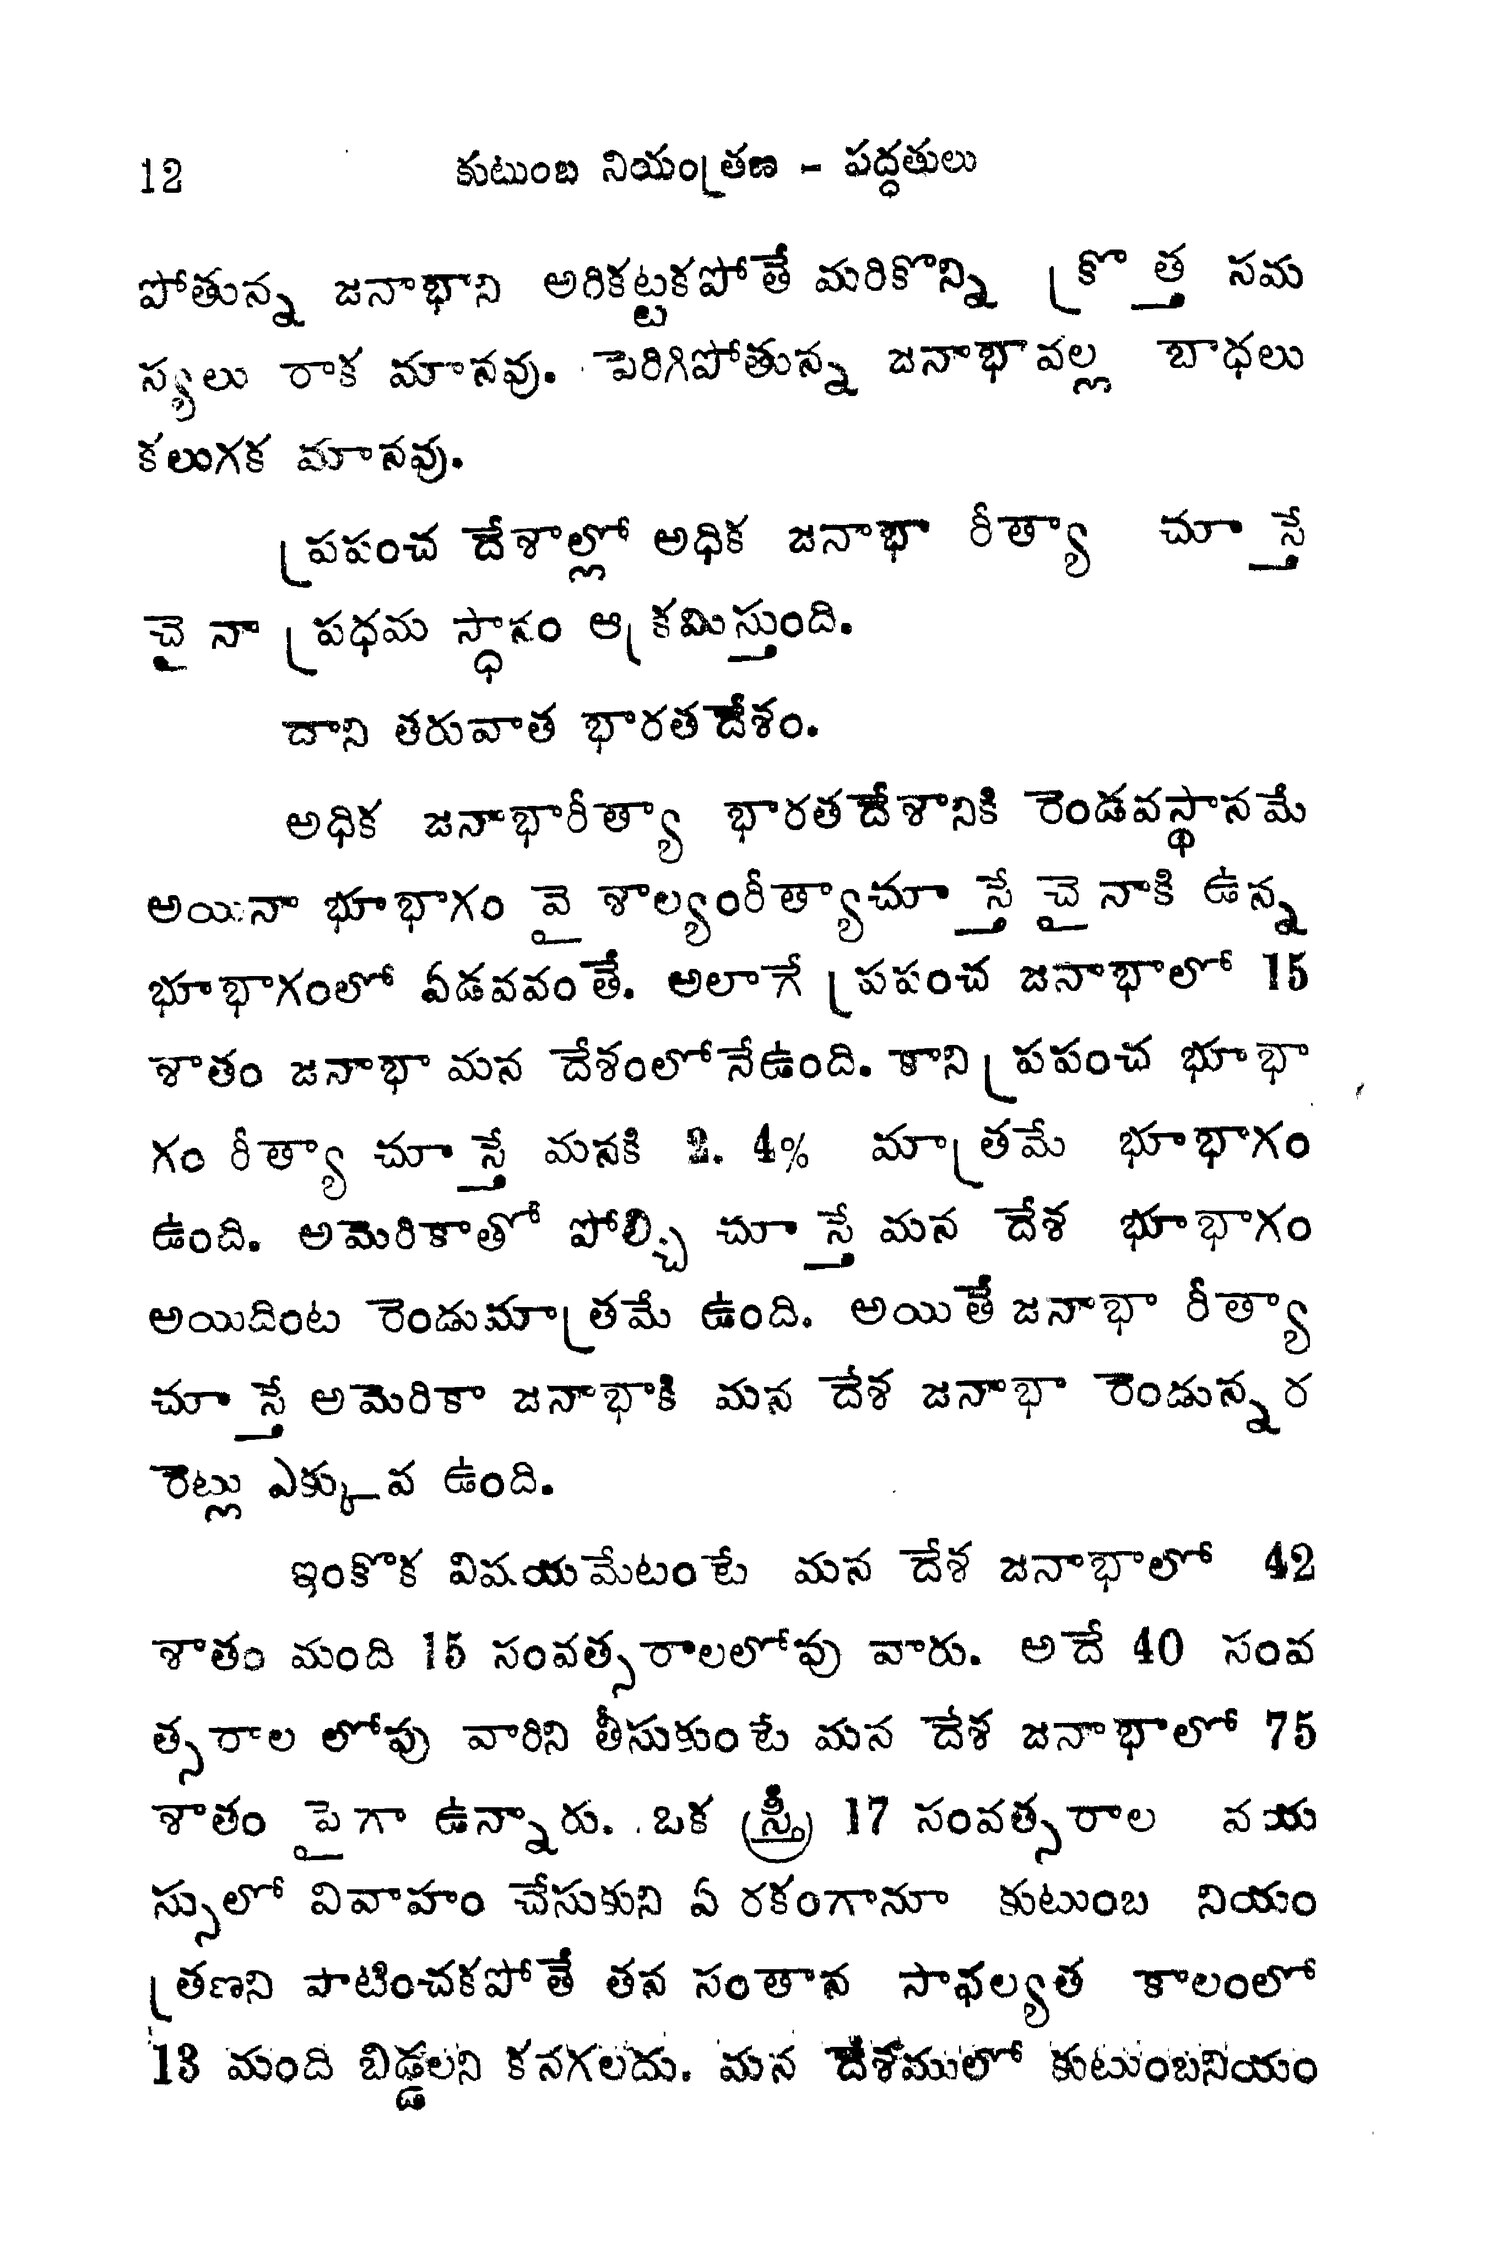పోతున్న జనాభాని అరికట్టకపోతే మరికొన్ని క్రొత్త సమస్యలు రాక మానవు. పెరిగిపోతున్న జనాభావల్ల బాధలు కలుగక మానవు.

ప్రపంచ దేశాల్లో అధిక జనాభా రీత్యా చూస్తే చైనా ప్రధమ స్థానం ఆక్రమిస్తుంది.

దాని తరువాత భారతదేశం

అధిక జనాభారీత్యా భారతదేశానికి రెండవస్థానమే అయినా భూభాగం వైశాల్యంరీత్యాచూస్తే చైనాకి ఉన్న భూభాగంలో ఏడవవంతే. అలాగే ప్రపంచ జనాభాలో 15 శాతం జనాభా మన దేశంలోనేఉంది. కాని ప్రపంచ భూభాగం రీత్యా చూస్తే మనకి 2.4% మాత్రమే భూభాగం ఉంది. అమెరికాతో పోల్చి చూస్తే మన దేశ భూభాగం అయిదింట రెండుమాత్రమే ఉంది. అయితే జనాభా రీత్యా చూస్తే అమెరికా జనాభాకి మన దేశ జనాభా రెండున్నర రెట్లు ఎక్కువ ఉంది.

ఇంకొక విషయమేటంటే మన దేశ జనాభాలో 42 శాతం మంది 15 సంవత్సరాలలోపు వారు. అదే 40 సంవత్సరాల లోపు వారిని తీసుకుంటే మనదేశ జనాభాలో 75 శాతం పైగా ఉన్నారు. ఒక స్త్రీ 17 సంవత్సరాల వయస్సులో వివాహం చేసుకొని ఏ రకంగానూ కుటుంబ నియంత్రణని పాటించకపోతే తన సంతాన సాఫల్యత కాలంలో 13 మంది బిడ్డలని కనగలదు. మన దేశములో కుటుంబనియం